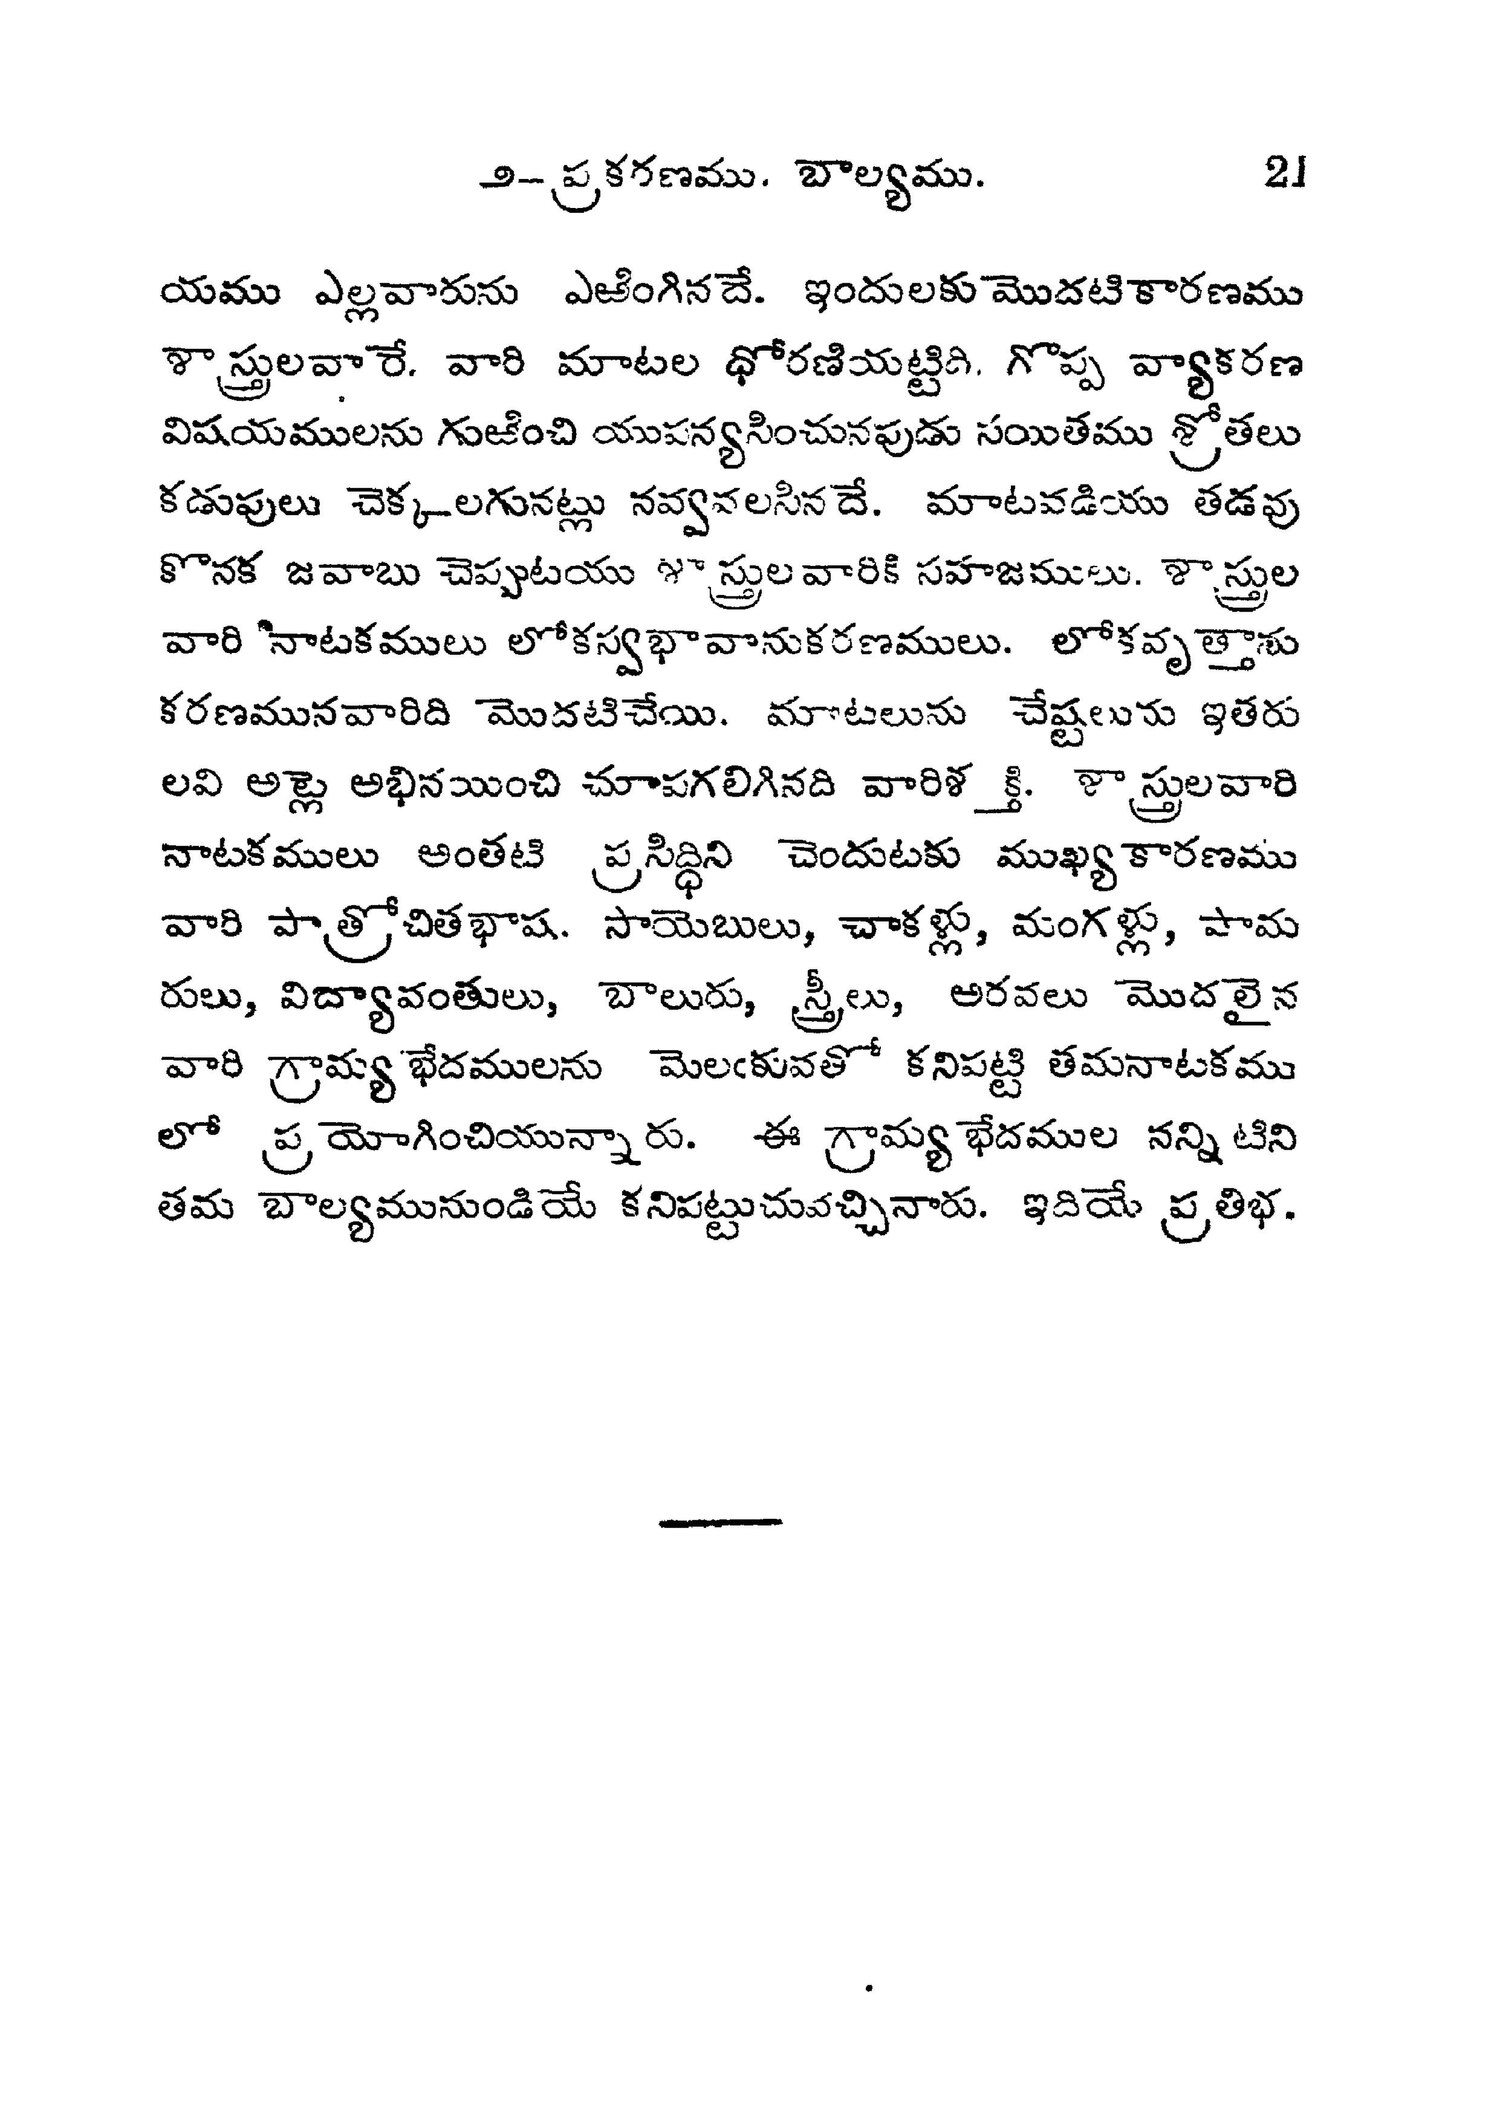యము ఎల్లవారును ఎఱింగినదే. ఇందులకు మొదటికారణము శాస్త్రులవారే. వారి మాటల ధోరణియట్టిది. గొప్ప వ్యాకరణ విషయములను గుఱించి యుపన్యసించునపుడు సయితము శ్రోతలు కడుపులు చెక్కలగునట్లు నవ్వవలసినదే. మాటవడియు తడవు కొనక జవాబు చెప్పుటయు శాస్త్రులవారికి సహజములు. శాస్త్రులవారి నాటకములు లోకస్వభావానుకరణములు. లోకవృత్తాను కరణమునవారిది మొదటిచేయి. మాటలును చేష్టలును ఇతరులవి అట్లె అభినయించి చూపగలిగినది వారిశక్తి. శాస్త్రులవారి నాటకములు అంతటి ప్రసిద్ధిని చెందుటకు ముఖ్యకారణము వారి పాత్రోచితభాష. సాయెబులు, చాకళ్లు, మంగళ్లు, పామరులు, విద్యావంతులు, బాలురు, స్త్రీలు, అరవలు మొదలైన వారి గ్రామ్యభేదములను మెలకువతో కనిపెట్టి తమనాటకములో ప్రయోగించియున్నారు. ఈ గ్రామ్యభేదముల నన్నింటిని తమ బాల్యమునుండియే కనిపట్టుచువచ్చినారు. ఇదియే ప్రతిభ.

_________